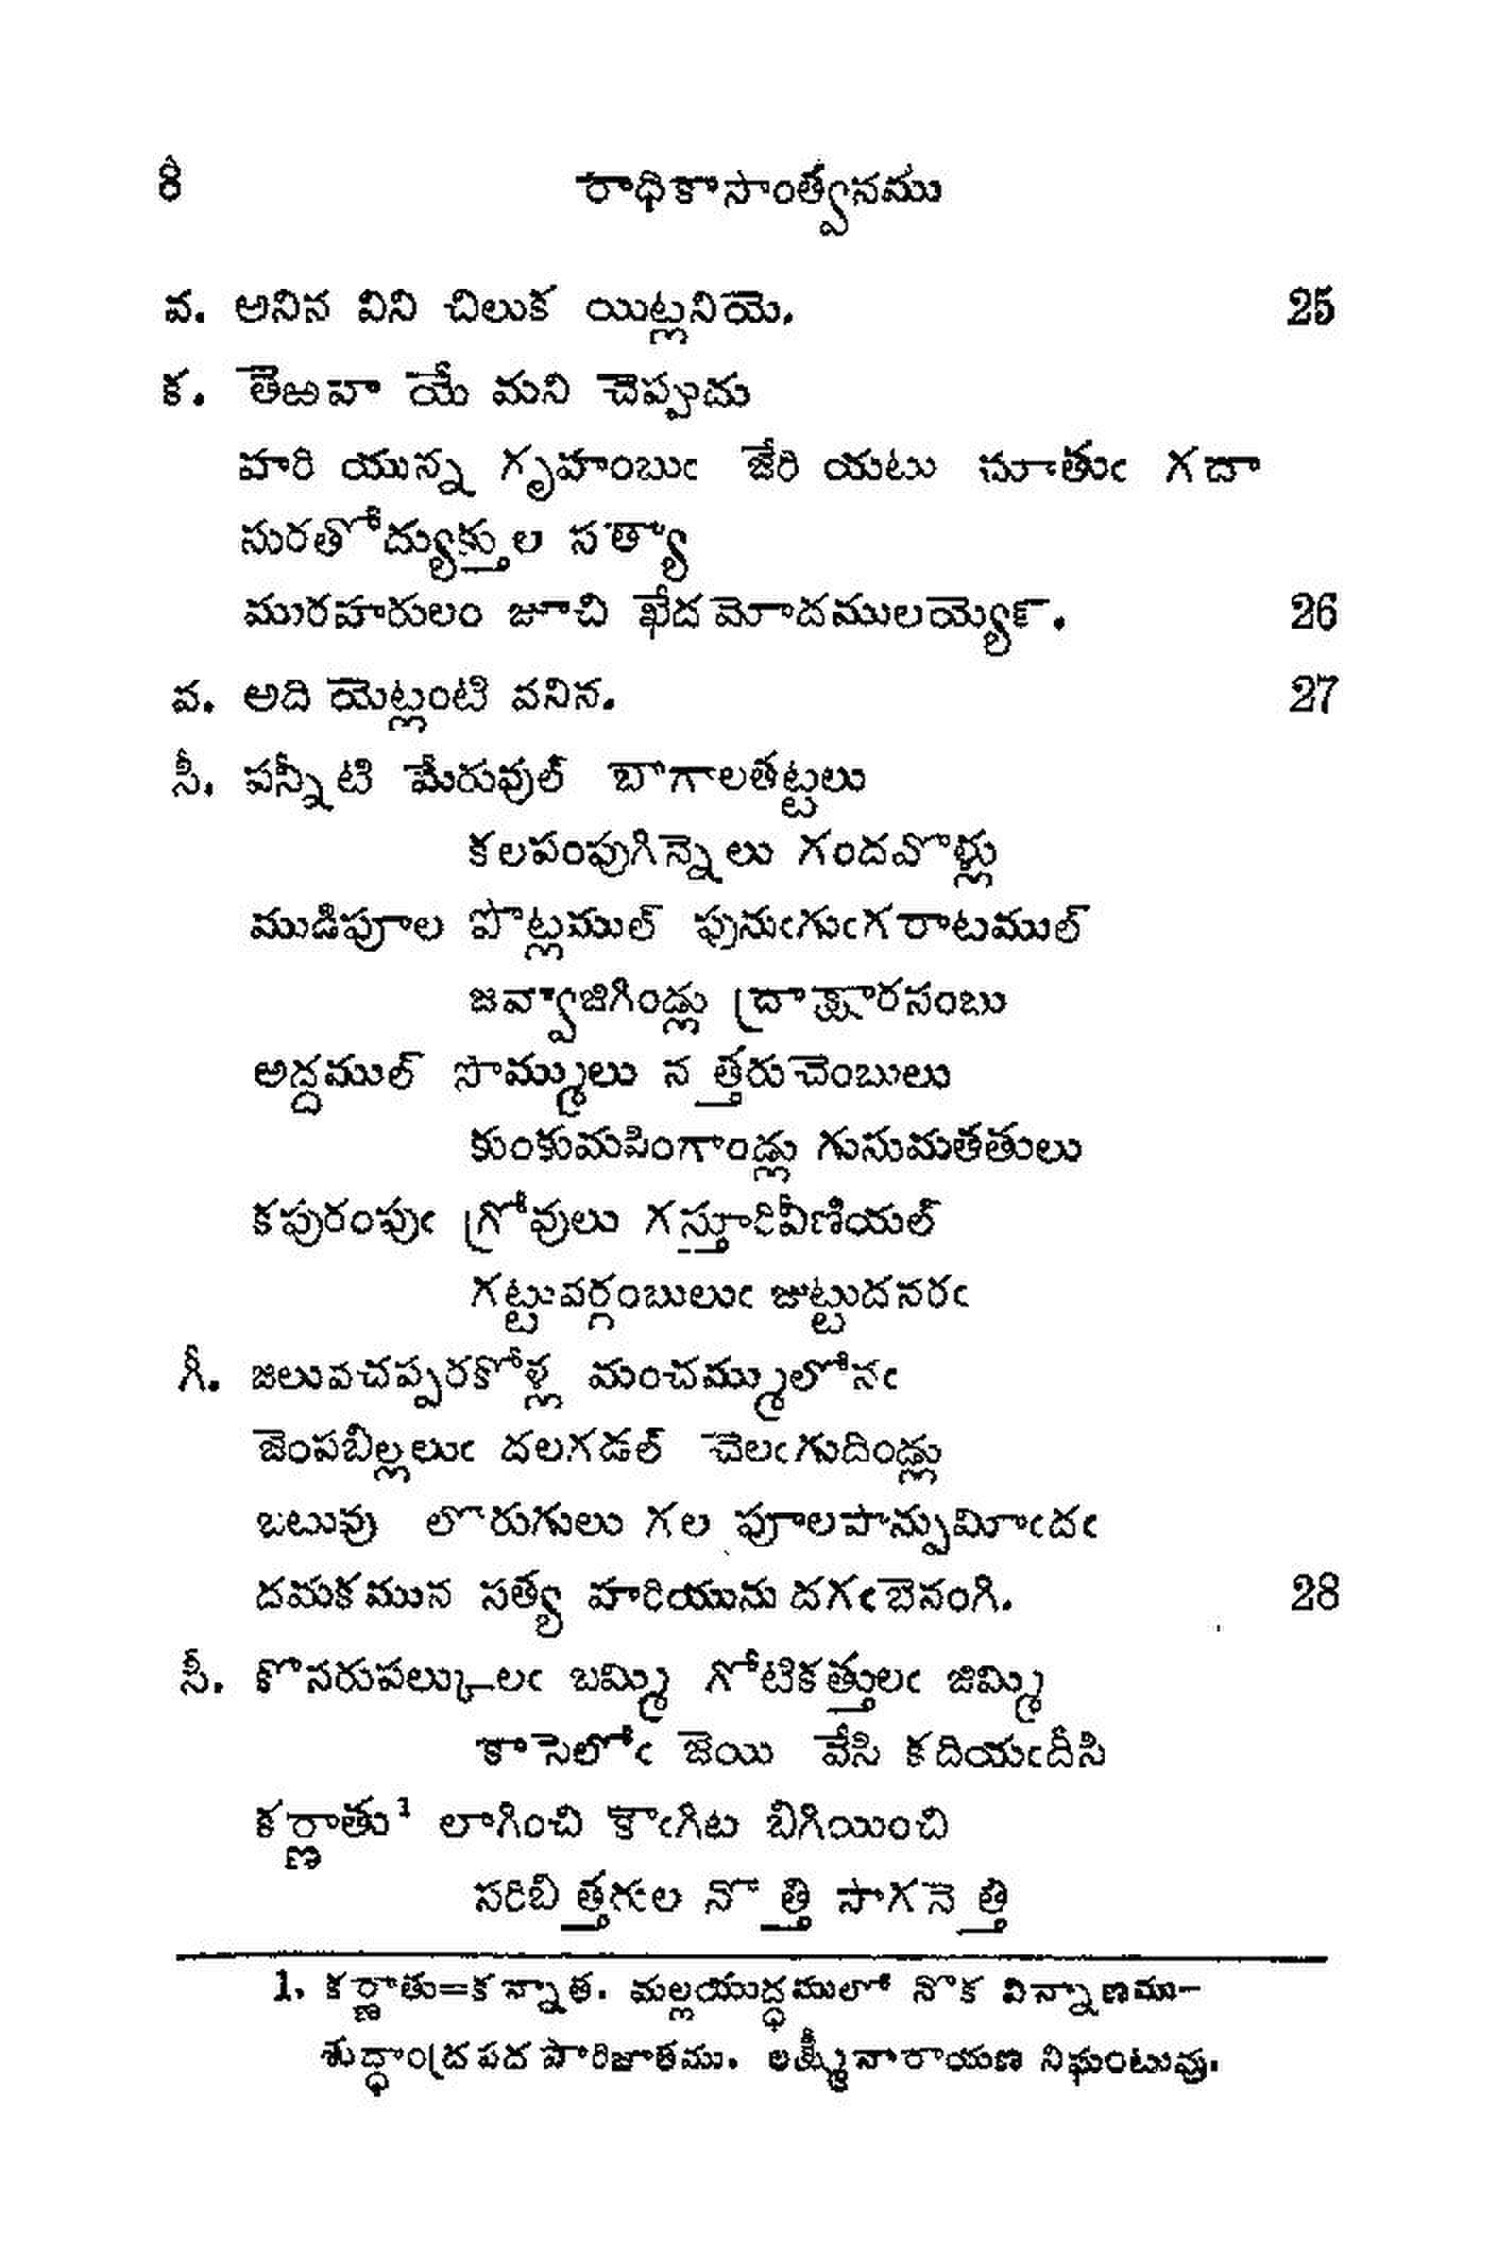వ. అనిన విని చిలుక యిట్లనియె. 25

క. తెఱవా యే మని చెప్పుదు
హరి యున్న గృహంబుఁ జేరి యటు చూతుఁ గదా
సురతోద్యుక్తుల సత్యా
మురహరులం జూచి ఖేదమోదములయ్యెన్. 26

వ. అది యెట్లంటి వనిన. 27

సీ. పన్నీటి మేరువుల్ బాగాలతట్టలు
కలపంపుగిన్నెలు గందవొళ్లు
ముడిపూల పొట్లముల్ పునుఁగుఁగరాటముల్
జవ్వాజిగిండ్లు ద్రాక్షారసంబు
అద్దముల్ సొమ్ములు నత్తరుచెంబులు
కుంకుమపింగాండ్లు గుసుమతతులు
కపురంపుఁ గ్రోవులు గస్తూరివీణియల్
గట్టు వర్గంబులుఁ జుట్టుదనరఁ
గీ. జలువచప్పరకోళ్లమంచమ్ములోనఁ
జెంపబిల్లలుఁ దలగడల్ చెలఁగుదిండ్లు
బటువు లొరుగులు గల పూలపాన్పుమీఁదఁ
దమకమున సత్య హరియును దగఁబెనంగి. 28

సీ, కొసరుపల్కులఁ బమ్మి గోటికత్తులఁ జిమ్మి
కాసెలోఁ జెయి వేసి కదియఁదీసి
కర్ణాతు లాగించి కౌఁగిట బిగియించి
సరిబిత్తరుల నొత్తి సాగనెత్తి